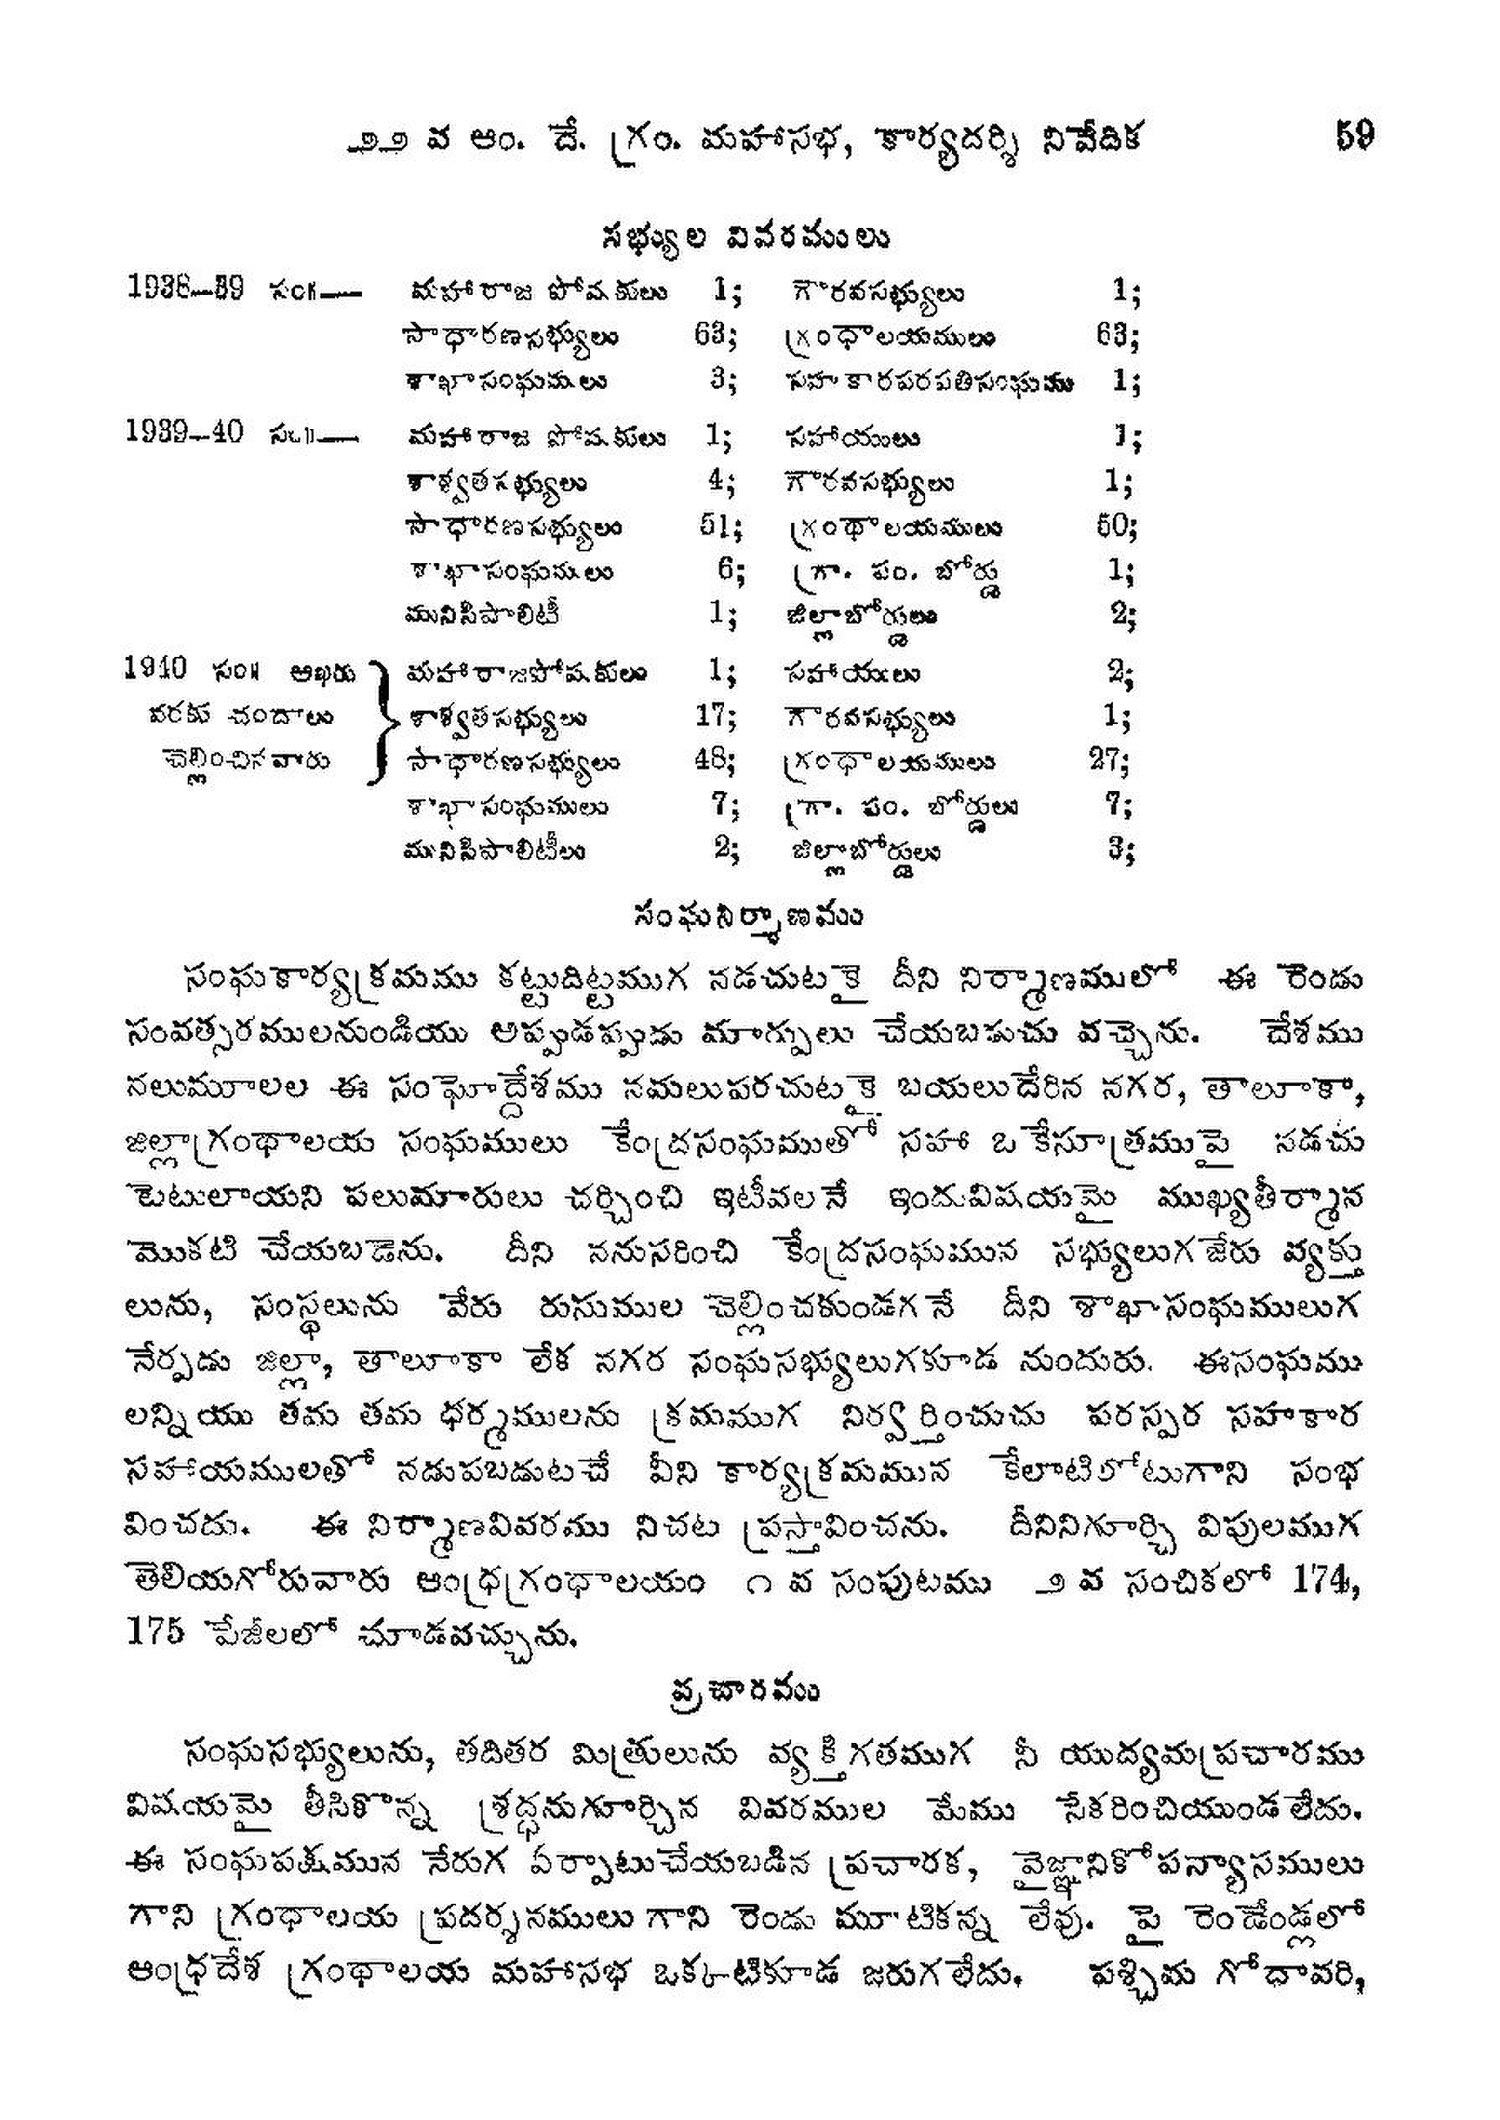సంఘకార్యక్రమము కట్టుదిట్టముగ నడచుటకై దీని నిర్మాణములో ఈ రెండు సంవత్సరములనుండియు అప్పుడప్పుడు మార్పులు చేయబడుచు వచ్చెను. దేశము నలుమూలల ఈ సంఘోద్దేశము నమలుపరచుటకై బయలుదేరిన నగర, తాలూకా, జిల్లా 
గ్రంథాలయ సంఘములు కేంద్రసంఘముతో సహా ఒకేసూత్రముపై నడచు టెటులాయని పలుమారులు చర్చించి ఇటీవలనే ఇందువిషయమై ముఖ్యతీర్మాన మొకటి చేయబడెను. దీని ననుసరించి కేంద్ర సంఘమున సభ్యులుగ జేరు వ్యక్తులును, 
సంస్థలును వేరు రుసుములు చెల్లించకుండగనే దీని శాఖా సంఘములుగనేర్పడు జిల్లా, తాలూకా లేక నగర సంఘసభ్యులు
కూడ నుందురు. ఈసంఘము లన్నియు తమ తమ ధర్మములను క్రమముగ నిర్వర్తించుచు పరస్పర సహకార సహాయములతో 
నడుపబడుటచే వీని కార్యక్రమమున కేలాటిలోటుగాని సంభవించదు. ఈ నిర్మాణవివరము నిచట ప్రస్తావించను. దీనినిగూర్చి 
విపులముగ తెలియగోరువారు ఆంధ్రగ్రంధాలయం ౧వ సంపుటము ౨ వ సంచికలో 174,175 పేజీలలో చూడవచ్చును.

సంఘసభ్యులును, తదితర మిత్రులును వ్యక్తిగతముగ నీ యుద్యమప్రచారము విషయమై తీసికొన్న శ్రద్ధను గూర్చిన వివరములు 
మేము సేకరించియుండ లేదు. ఈ సంఘపక్షమున నేరుగ ఏర్పాటు చేయబడిన ప్రచారక, వైజ్ఞానికోపన్యాసములు గాని గ్రంధాలయ ప్రదర్శనములు గాని రెండు మూటికన్న లేవు. పై రెండేండ్లలో ఆంధ్రదేశ గ్రంథాలయ మహాసభ ఒక్కటికూడ జరుగలేదు, పశ్చిమ గోదావరి,